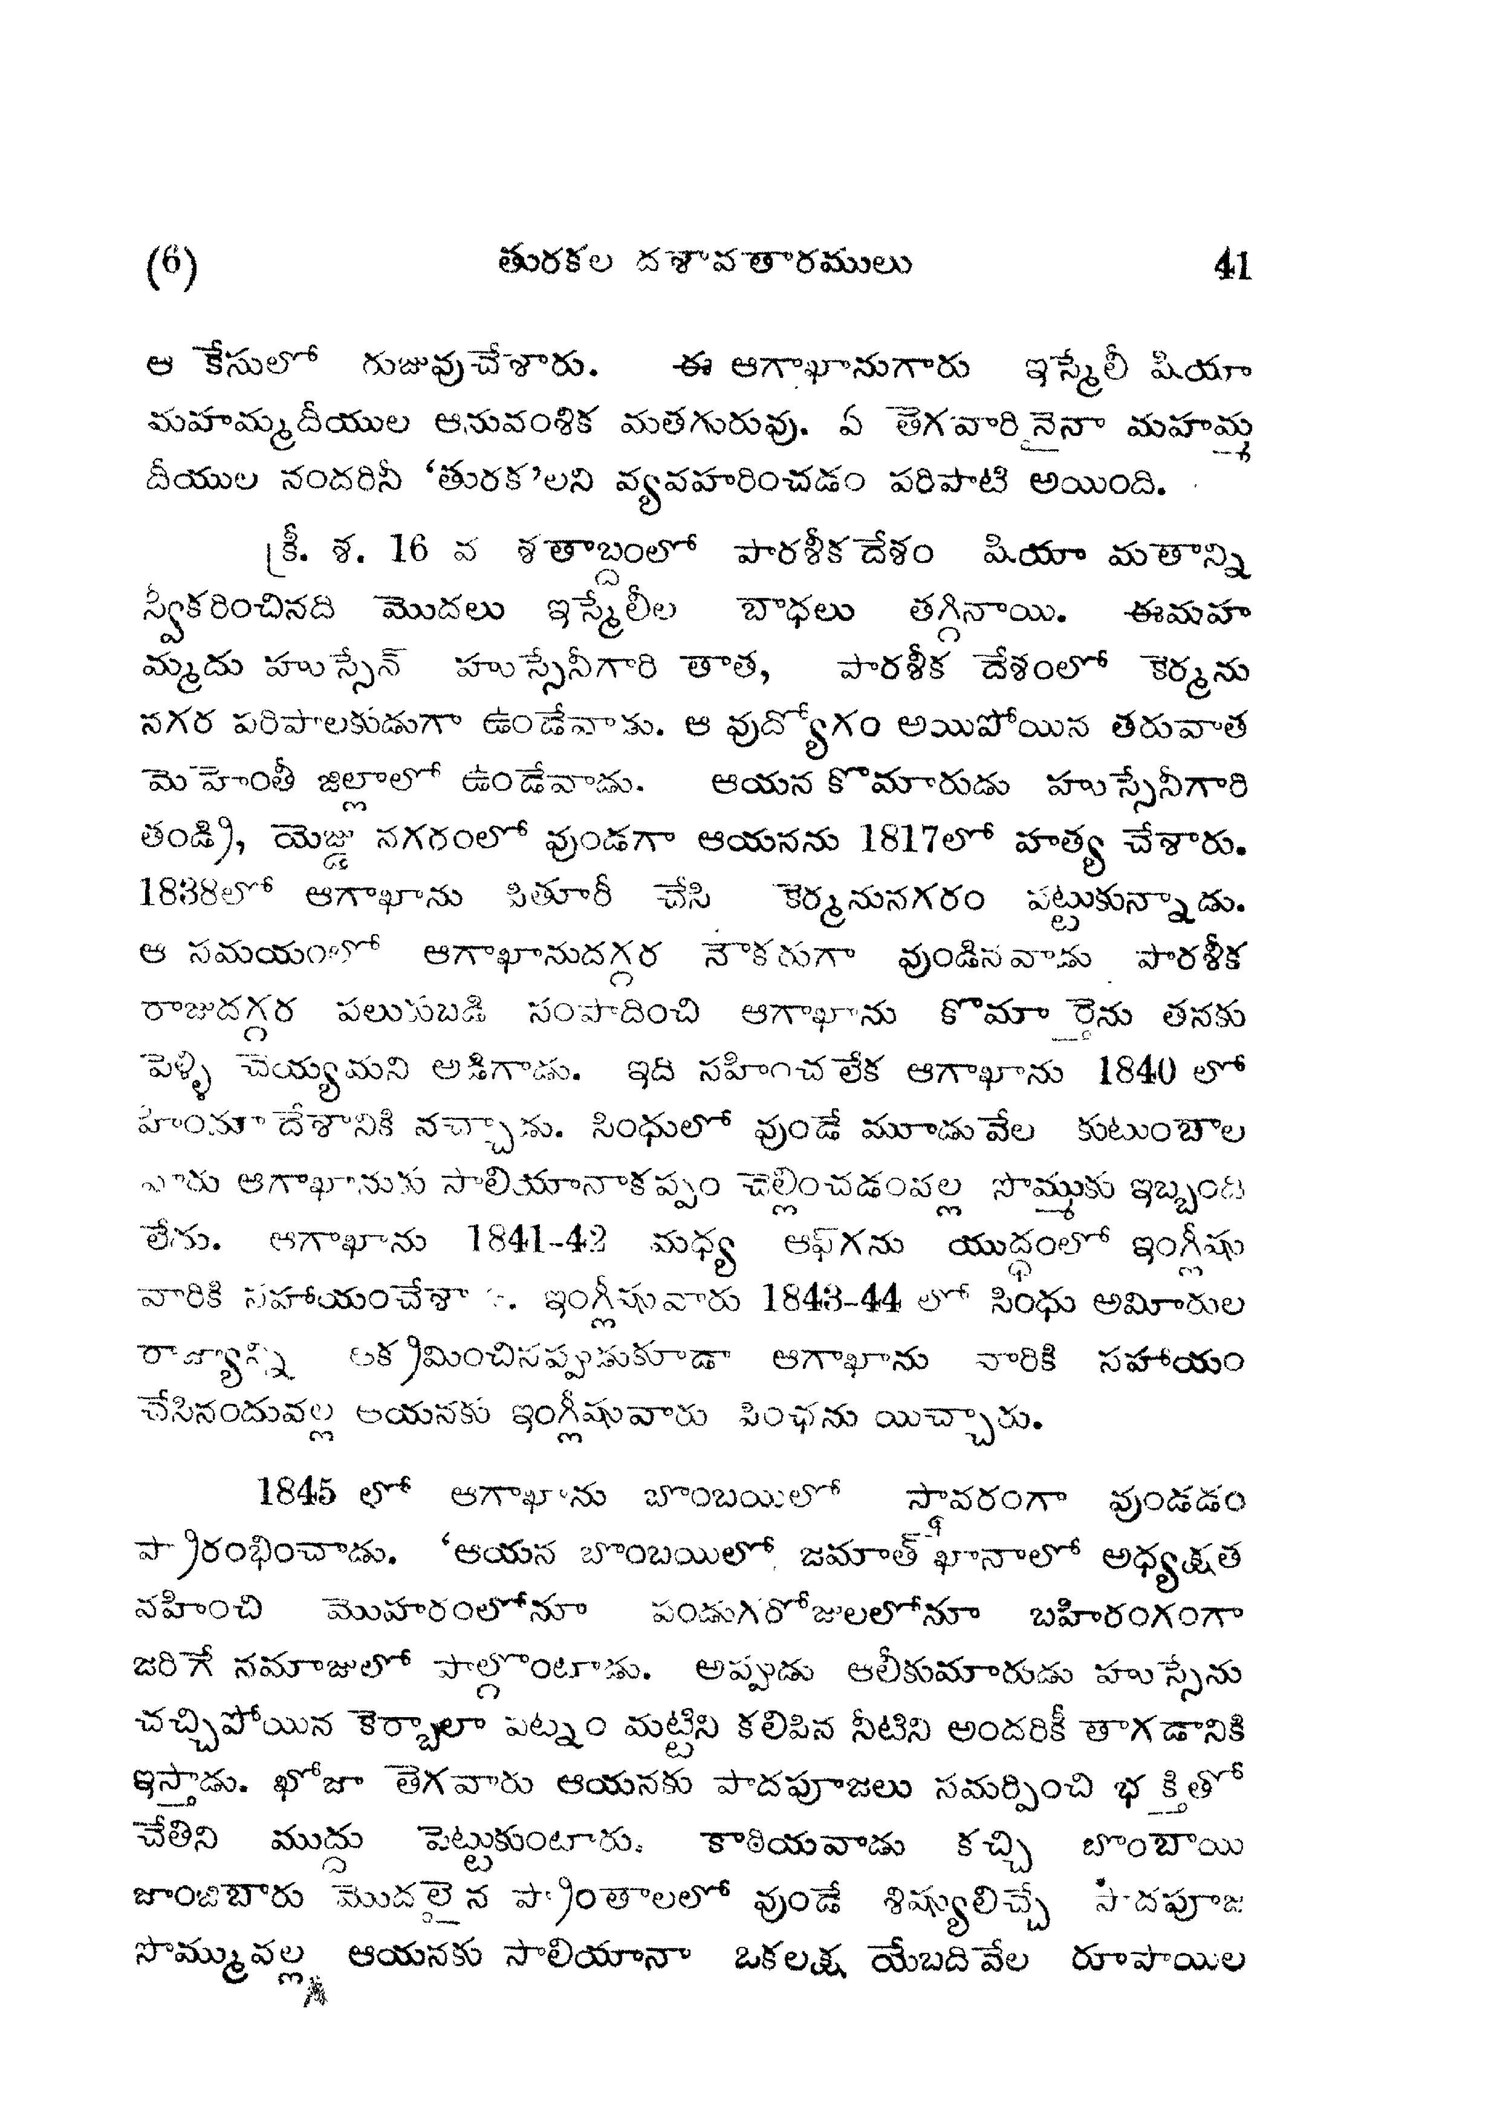ఆ కేసులో రుజువుచేశారు. ఈ ఆగాఖానుగారు ఇస్మేలీ షియా మహమ్మదీయుల అనువంశిక మత గురువు. ఏ తెగవారినైనా మహమ్మదీయుల నందరినీ 'తురక ' లని వ్యవహరించడం పరిపాటి అయినది.

క్రీ.శ.16 వ శతాబ్దంలో పారశీకదేశం షియా మతాన్ని స్వీకరించినది మొదలు ఇస్మేలీల బాధలు తగ్గినాయి. ఈమహమ్మదు హుస్సేన్ హుస్సేనీగారి తాత, పారశీక దేశంలో కెర్మను నగర పరిపాలకుడుగా ఉండేవాడు.ఆ ఉద్యోగం అయిపోయిన తరువాత మెహెంతీ జిల్లాలో ఉండేవాడు. ఆయన కొమారుడు హుస్సేనీగారి తండ్రి, యెజ్డు నగరంలో వుండగా ఆయనను 1817 లో హత్య చేశారు. 1838 లో ఆగాఖాను పితూరీ చేసి కెర్మనునగరం పట్టుకున్నాడు. ఆ సమయంలో ఆగాఖానుదగ్గర నౌకరుగా వుండినవాడు పారశీక రాజుదగ్గర పలుకుబడి సంపాదించి ఆగాఖాను కొమార్తెను తనకు పెళ్ళి చెయ్యమని అడిగాడు. ఇది సహించలేక ఆగాఖాను 1840 లో హిందూదేశానికి వచ్చాడు. సింధులో వుండే మూడువేల కుటుంబాల వారు ఆగాఖానుకు సాలీనాకప్పం చెల్లించడంవల్ల సొమ్ముకు ఇబ్బందిలేదు. ఆగాఖాను 1841-42 మధ్య ఆఫ్ గను యుద్ధంలో ఇంగ్లీషు వారికి సహాయంచేశాడు. ఇంగ్లీషువారు 1843-44 లో సింధు అమీరుల రాజ్యాన్ని ఆక్రమించినప్పుడుకూడా ఆగాఖాను వారికి సహాయం చేసినందువల్ల ఆయనకు ఇంగ్లీషువారు ఫించను యిచ్చారు.

1845 లో ఆగాఖాను బొంబయిలో స్థావరంగా వుండడం ప్రారంభించాడు. ఆయన బొంబాయిలో జమాత్ ఖానాలో అధ్యక్షత వహించి మొహరంలోనూ పండుగరోజులలోనూ బహిరంగంగా జరిగే నమాజులో పాల్గొంటాడు. అప్పుడు అలీ కుమారుడు హుస్సేను చచ్చిపోయిన కెర్బాలా పట్నం మట్టిని కలిపిన నీటిని అందరికీ తాగడానికి ఇస్తాడు. ఖోజా తెగవారు ఆయనకు పాదపూజలు సమర్పించి భక్తితో చేతిని ముద్దు పెట్టుకుంటారు. కాఠియవాడు కచ్చి బొంబాయి జాంజిబారు మొదలైన ప్రాంతాలలొ వుండే శిష్యులిచ్చే పాదపూజ సొమ్మువల్ల ఆయనకు సాలియానా ఒకలక్ష యేబదివేల రూపాయిల